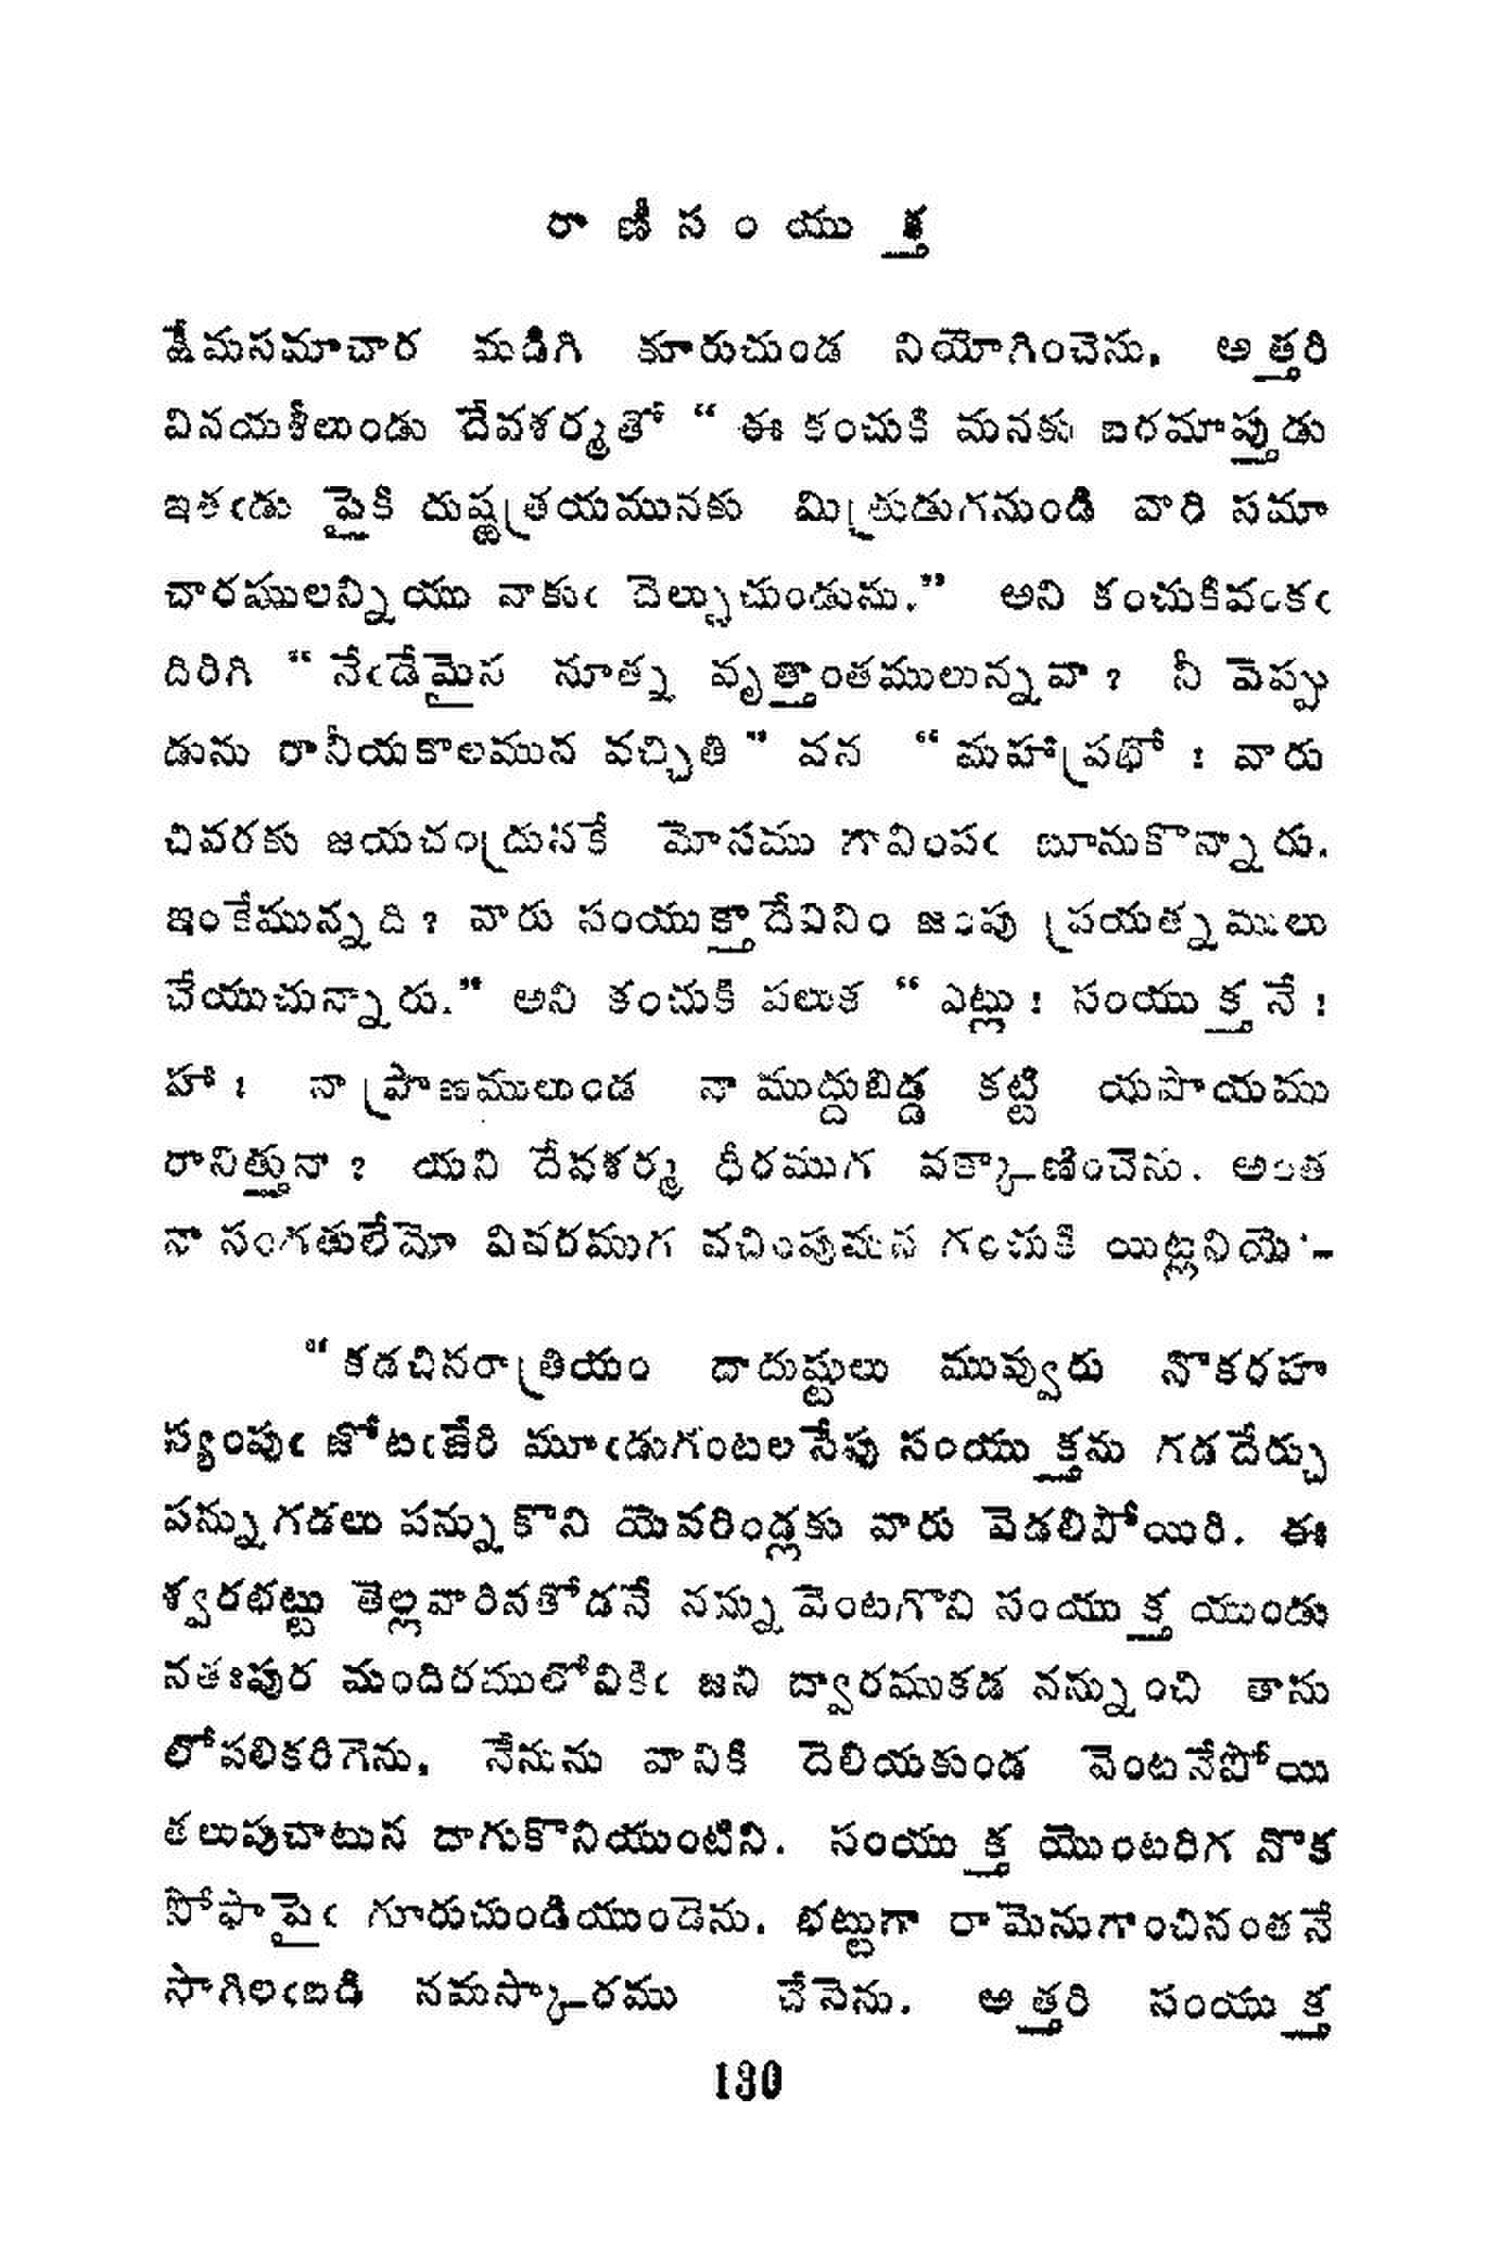క్షేమసమాచార మడిగి కూరుచుండ నియోగించెసు, అత్తరి వినయశీలుండు దేవశర్మతో " ఈ కంచుకి మనకు బరమాప్తుడు ఇతఁడు పైకి దుష్టత్రయమునకు మిత్రుడుగనుండి వారి సమాచారములన్నియు నాకుఁ దెల్పుచుండును.” అని కంచుకివంకఁ దిరిగి " నేఁడేమైన నూత్న వృత్తాంతములున్నవా ! నీ వెప్పుడును రానీయకాలమున వచ్చితి " వన "మహాప్రభో ! వారు చివరకు జయచంద్రునకే మోసము గావింపఁ బూనుకొన్నారు. ఇంకేమున్నది? వారు సంయుక్తా దేవినిం జంపు ప్రయత్నములు చేయుచున్నారు." అని కంచుకి పలుక " ఎట్లు ! సంయుక్త నే ! హా ! నాప్రాణములుండ నా ముద్దు బిడ్డ కట్టి యపాయము రానిత్తునా? యని దేవశర్మ ధీరముగ వక్కాణించెను. అంత నా సంగతులేమో వివరముగ వచింపుమన గంచుకి యిట్లనియె --

“కడచినరాత్రియం దాదుష్టులు మువ్వురు నొక రహస్యంపుఁ జోటఁజేరి మూడుగంటలసేపు సంయుక్తను గడ దేర్చు పన్నుగడలు పన్నుకొని యెవరిండ్లకు వారు వెడలిపోయిరి. ఈశ్వరభట్టు తెల్లవారినతోడనే నన్ను వెంటగొని సంయుక్త యుండు నతఃపుర మందిరములోనికిఁ జని ద్వారముకడ నన్నుంచి తాను లోపలికరిగెను. నేనును వానికి దెలియకుండ వెంటనేపోయి తలుపుచాటున దాగుకొనియుంటిని. సంయుక్త యొంటరిగ నొక సోఫాపైఁ గూరుచుండియుండెను. భట్టుగా రామెనుగాంచినంతనే సాగిలఁబడి నమస్కారము చేసెను. అత్తరి సంయుక్త